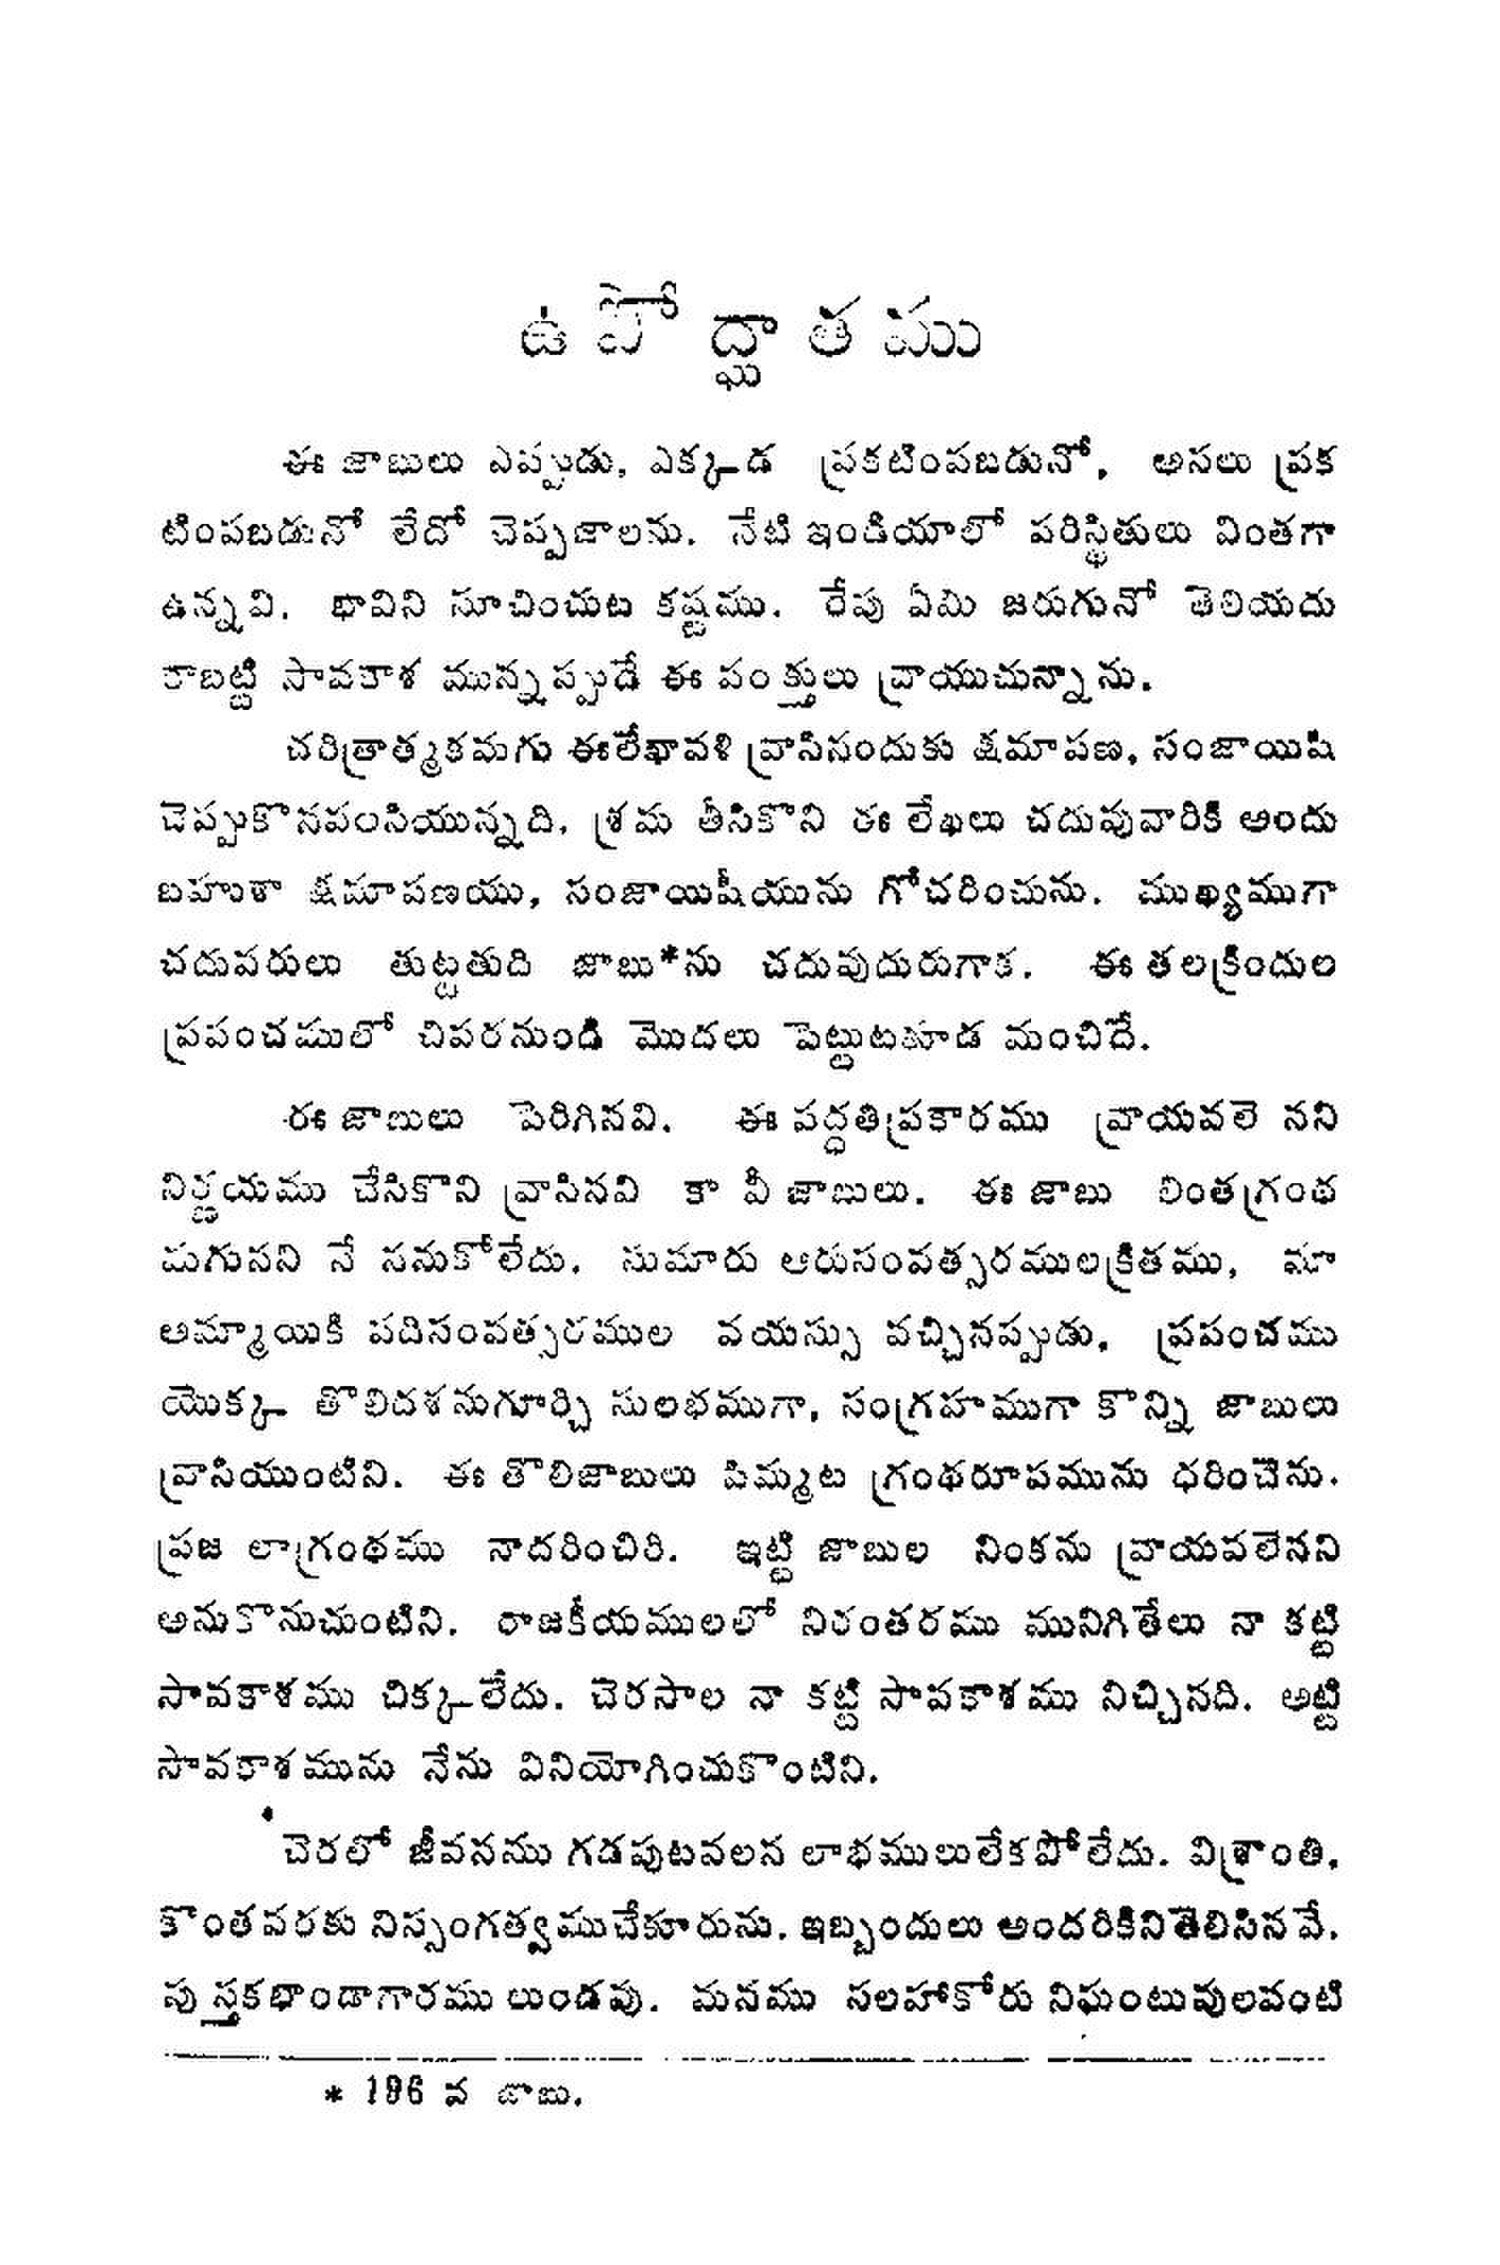ఉపోద్ఘాతము

ఈ జాబులు ఎప్పుడు, ఎక్కడ ప్రకటింపబడునో, అసలు ప్రకటింపబడునో లేదో చెప్పజాలను. నేటి ఇండియాలో పరిస్థితులు వింతగా ఉన్నవి. భావిని సూచించుట కష్టము. రేపు ఏమి జరుగునో తెలియదు కాబట్టి సావకాశ మున్నప్పుడే ఈ పంక్తులు వ్రాయుచున్నాను.

చరిత్రాత్మకమగు ఈ లేఖావళి వ్రాసినందుకు క్షమాపణ, సంజాయిషి చెప్పుకొనవలసియున్నది, శ్రమ తీసికొని ఈ లేఖలు చదువువారికి అందు బహుశా క్షమాపణయు, సంజాయిషీయును గోచరించును. ముఖ్యముగా చదువరులు తుట్టతుది జాబును చదువుదురుగాక, ఈ తలక్రిందుల ప్రపంచములో చివర నుండి మొదలు పెట్టుటకూడ మంచిదే.

ఈ జాబులు పెరిగినవి. ఈ పద్ధతిప్రకారము వ్రాయవలె నని నిర్ణయము చేసికొని వ్రాసినవి కా వీ జాజులు. ఈ జాబు లింతగ్రంథ మగుసని నే ననుకోలేదు. సుమారు ఆరుసంవత్సరములక్రితము, మా అమ్మాయికి పదిసంవత్సరముల వయస్సు వచ్చినప్పుడు, ప్రపంచము యొక్క తొలిదశనుగూర్చి సులభముగా, సంగ్రహముగా కొన్ని జాబులు వ్రాసియుంటిని. ఈ తొలిజాబులు పిమ్మట గ్రంథరూపమును ధరించెను. ప్రజ లాగ్రంథము నాదరించిరి. ఇట్టి జాబుల నింకను వ్రాయవలెనని అనుకొనుచుంటిని. రాజకీయములలో నిరంతరము మునిగితేలు నా కట్టి సావకాశము చిక్కలేదు. చెరసాల నా కట్టి సావకాశము నిచ్చినది. అట్టి సావకాశమును నేను వినియోగించుకొంటిని.

చెరలో జీవనము గడపుటవలన లాభములు లేకపోలేదు. విశ్రాంతి, కొంతవరకు నిస్సంగత్వము చేకూరును. ఇబ్బందులు అందరికిని తెలిసినవే. పుస్తకభాండాగారము లుండవు. మనము సలహాకోరు నిఘంటువులవంటి